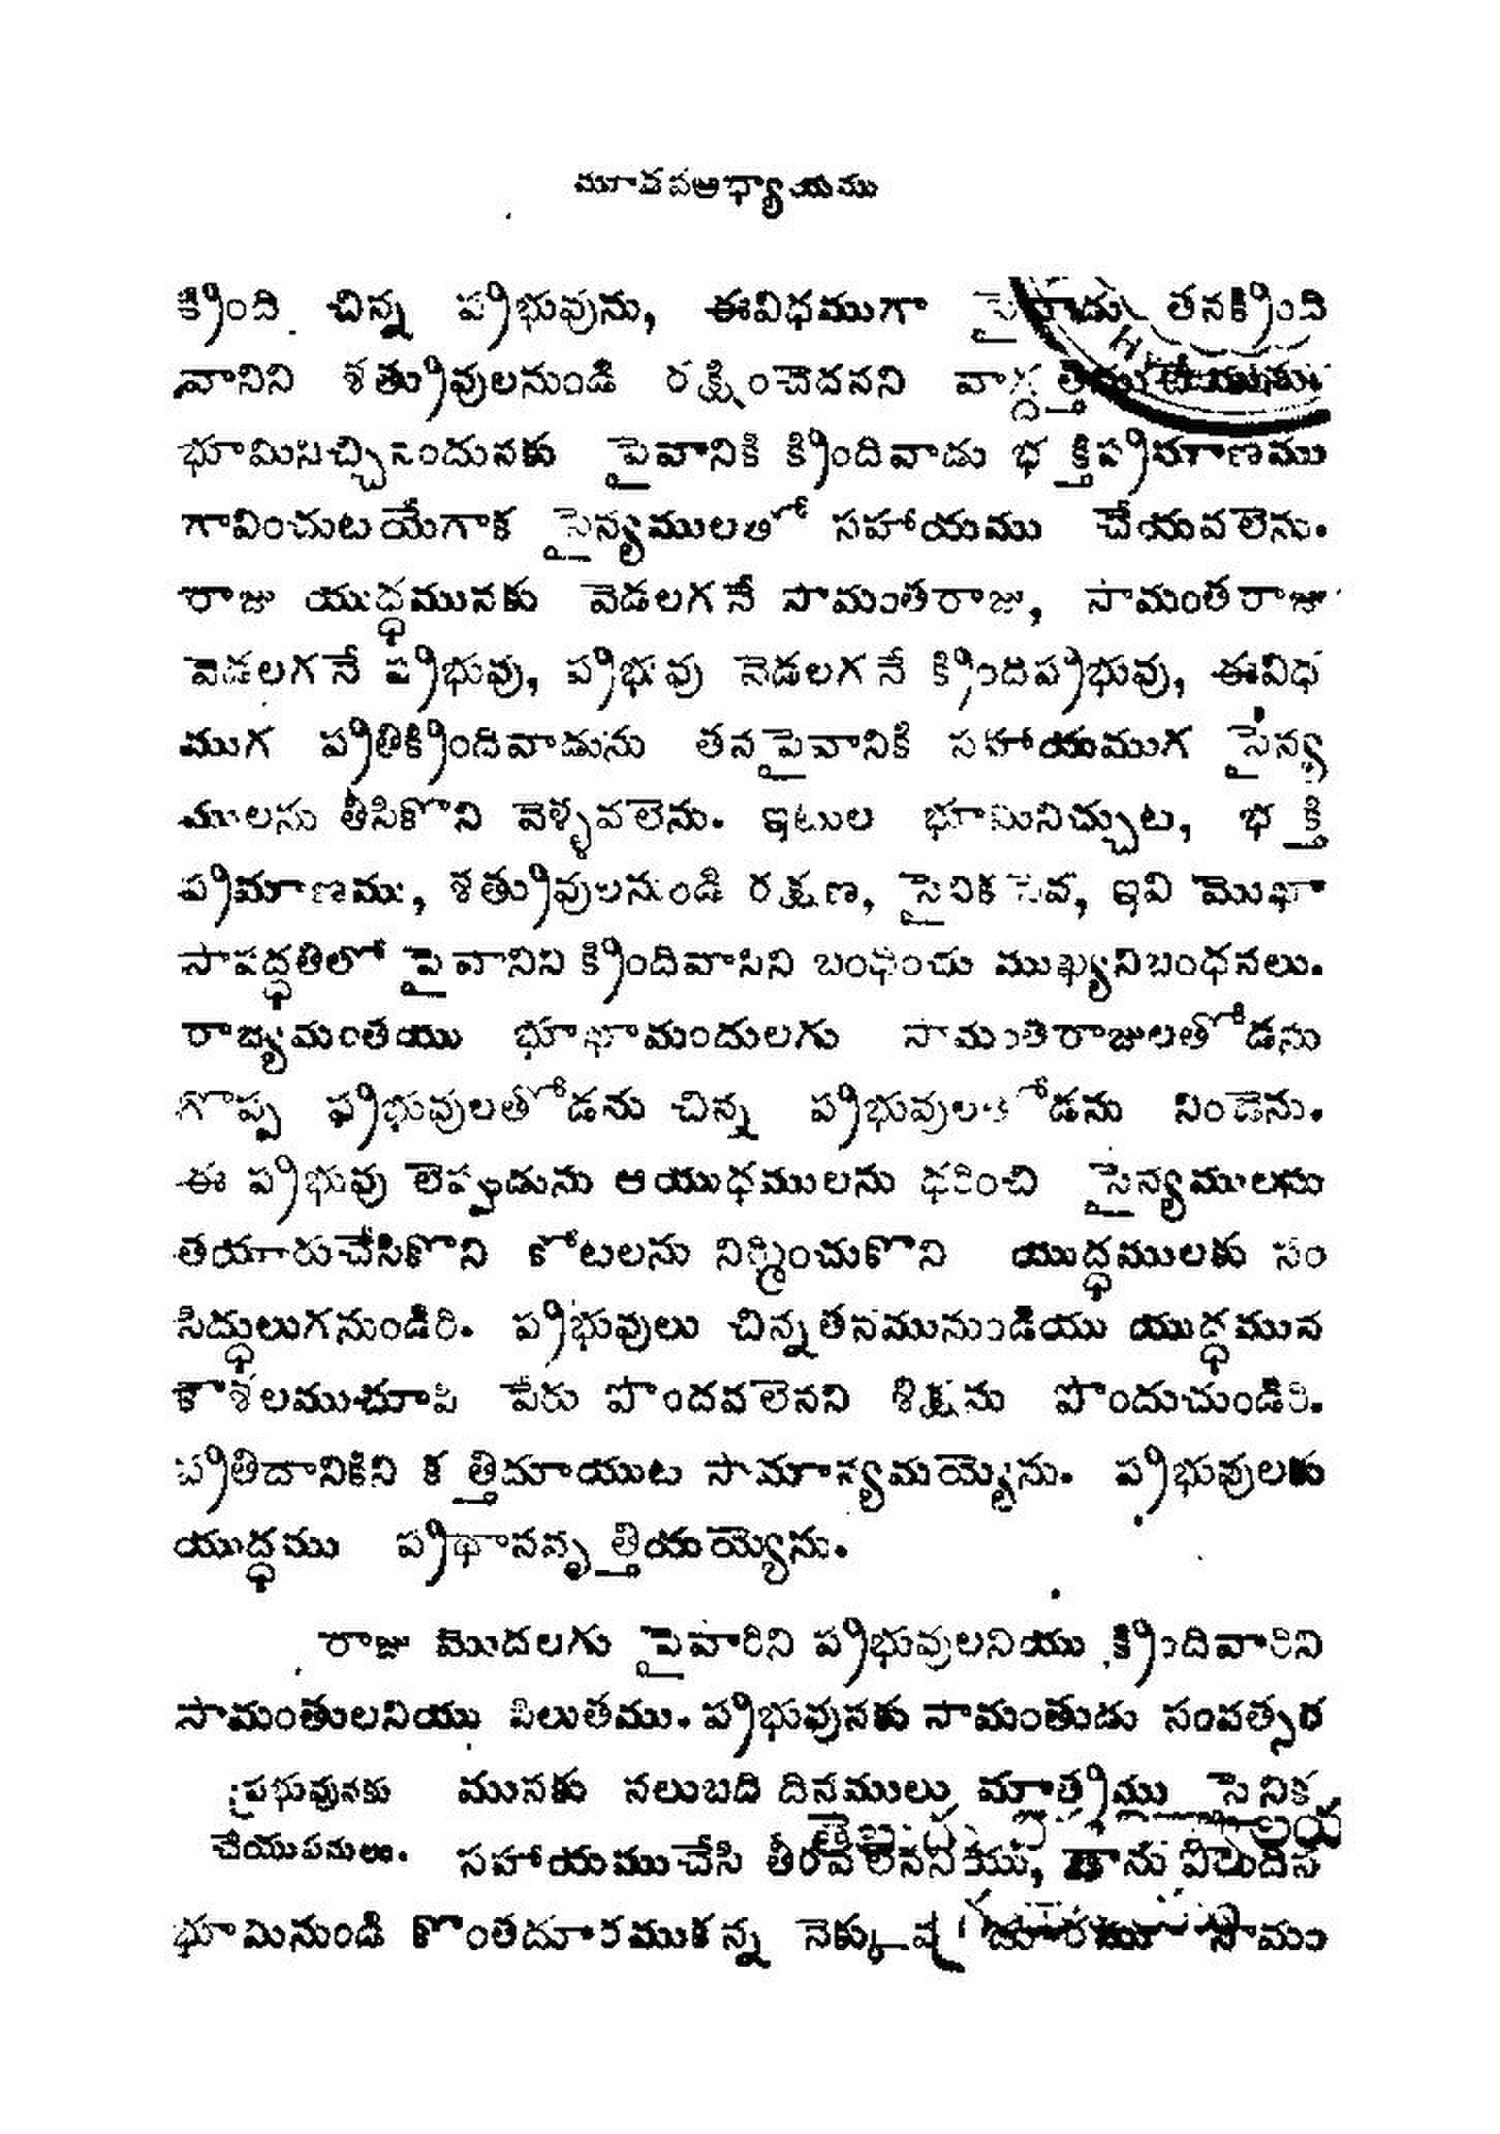క్రింది. చిన్న ప్రభువును, ఈవిధముగా పైవాడు తన క్రింది 
వానిని శత్రువులనుండి రక్షించెదనని వాగ్దత్తము చేసిరి.
భూమిసిచ్చినందునకు పైవానికి క్రింది వాడు భక్తిప్రమారాణము
గావించుటయేగాక సైన్యములతో సహాయము చేయవలెను.
రాజు యుద్ధమునకు వెడలగనే సొమంత రాజు, సామంత రాజు
వెడలగ నే ప్రభువు, ప్రభువు వెడలగ నే కింది ప్రభువు, ఈవిధ
ముగ ప్రతికిందివాడును తన పైవానికి సహాయముగ సైన్య
ములను తీసికొని వెళ్ళవలెను. ఇటుల భూమునిచ్చుట, భక్తి
ప్రమాణము, శత్రువుల నుండి రక్షణ, సైనిక సేవ, ఇవి మొఖా
సాపద్ధతిలో పై వానిని కిందివాసిని బంధించు ముఖ్య నిబంధనలు.
రాజ్య మంతయు భూఖామందులగు సామంత రాజులతోడను
గొప్ప ప్రభువులతోడను చిన్న ప్రభువుల తోడసు నిండెను.
ఈ ప్రభువు లెప్పుడుసు ఆ యుధములను ధరించి సైన్యములను
తయారుచేసికొని కోటలను నిర్మించుకొని యుద్ధములకు సం
సిద్ధులుగ నుండిరి. ప్రభువులు చిన్న తనమునుండియు యుద్ధమున
కౌశలము చూపి పేరు పొందవలెనని శిక్షను పొందుచుండిరి.
ప్రతిదానికిని కత్తిదూయుట సామాన్యమయ్యెను. ప్రభువులకు
యుద్ధము ప్రథానవృత్తియయ్యెను.

రాజు మొదలగు పై వారిని ప్రభువులనియు , శ్రీది వారిని
సామంతులనియు పిలుతము. ప్రభువునకు సామంతుడు సంవత్సర
మునకు నలుబది దినములు మాత్రము సైనిక
సహాయము చేసి తీరవలెననియు తాను పొందిన
భూమి నుండి కొంతదూరముకన్న నెక్కువ దూరము సామం